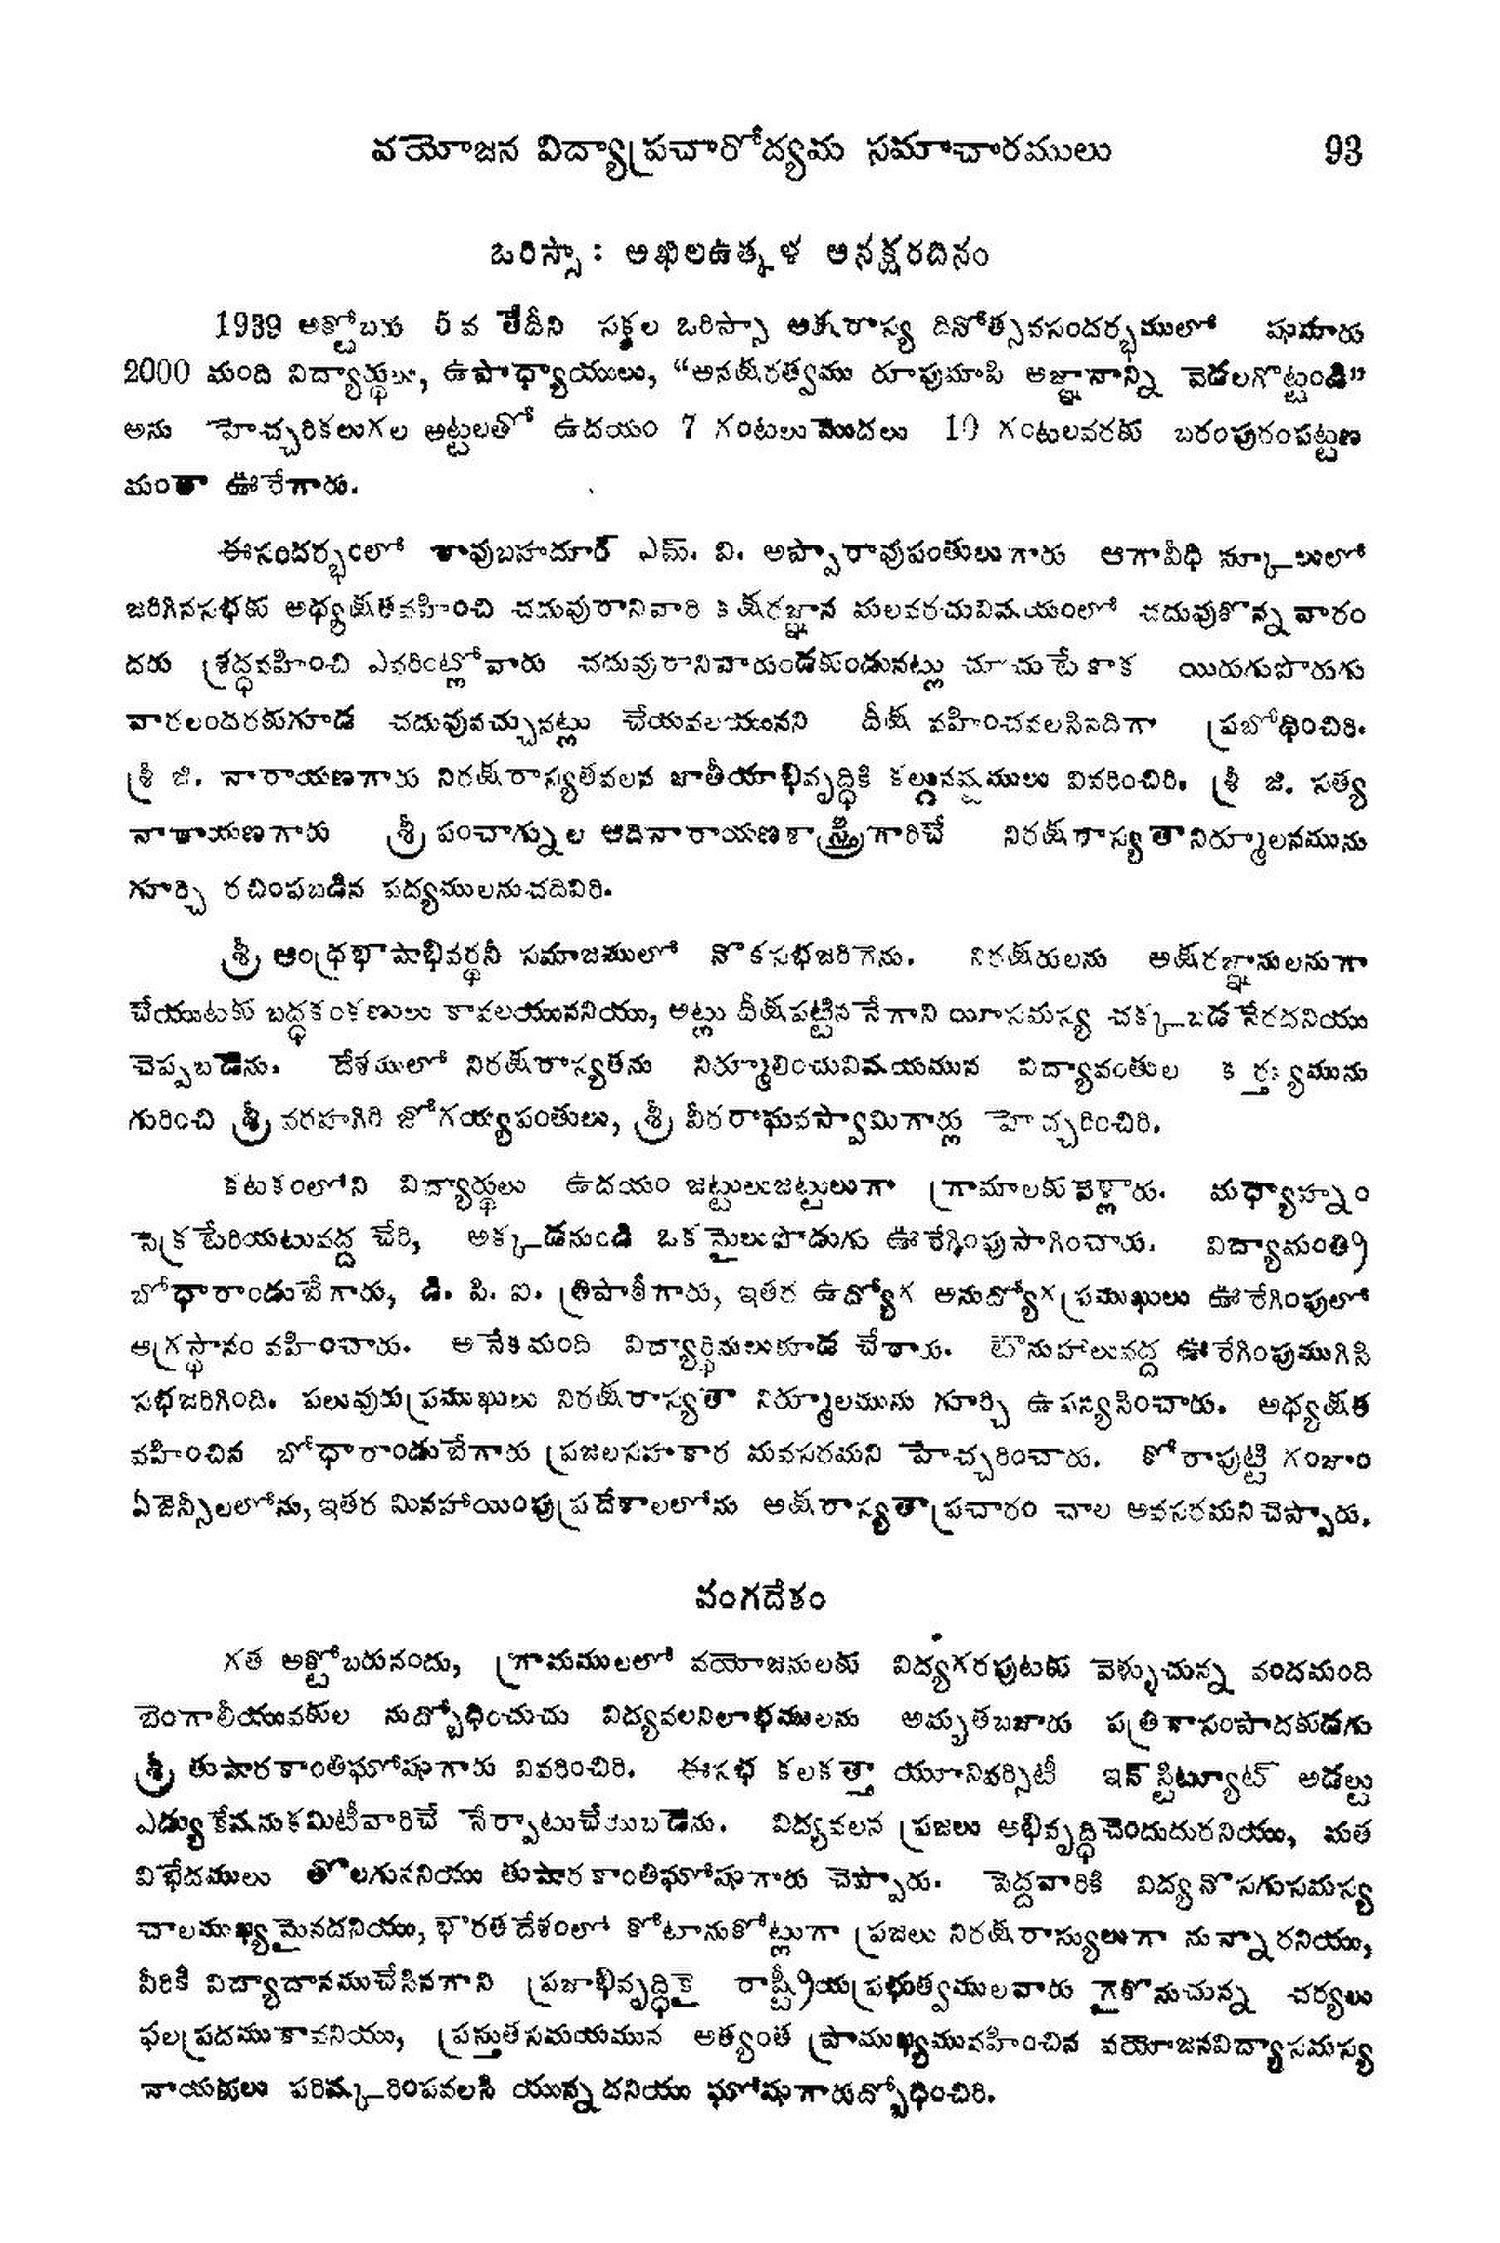1939 అక్టోబరు 5వ తేదీని సకల ఒరిస్సా అక్షరాస్య దినోత్సవసందర్భములో షుమారు 2000 మంది విద్యార్థులు, ఉపాధ్యాయులు,
“అనక్షరత్వము రూపుమాపి అజ్ఞానాన్ని వెడలగొట్టండి” అను హెచ్చరికలుగల అట్టలతో ఉదయం 7 గంటలు మొదలు 
10 గంటలవరకు బరంపురం పట్టణమంతా ఊరేగారు.

ఈసందర్భంలో రావుబహదూర్ ఎమ్. వి. అప్పారావు పంతులు గారు ఆగావీధి స్కూలులో జరిగిన సభకు అధ్యక్షతవహించి 
చదువురానివారి అక్షరజ్ఞాన మలపరచువిషయంలో చదువుకొన్న వారందరు శ్రద్ధవహించి ఎవరింట్లో వారు చదువు 
రానివారుండకుండునట్లు చూచుటేకాకా యిరుగుపొరుగు వారలందరకుగూడ చదువువచ్చునట్లు చేయవలయునని దీక్ష 
వహించవలసిందిగా ప్రబోధించిరి. శ్రీ జి. నారాయణగారు నిరక్షరాస్యతవలన జాతీయాభివృద్ధికి కల్గునష్టములు వివరించిరి.
శ్రీ జి. సత్యనారాయణ గారు శ్రీ పంచాగ్నుల ఆదినారాయణశాస్త్రిగారిచే నిరక్షరాస్యతా నిర్మూలనమును గూర్చి రచింపబడిన 
పద్యములను చదివిరి

శ్రీ ఆంధ్రభాషాభివర్ధనీ సమాజములో నొక సభ జరిగేను. నిరక్షరులను అక్షరజ్ఞానులనుగా చేయుటకు బద్ధకంకణులు 
కావలయుననియు, అట్లు దీక్షపట్టిననేగాని యీ సమస్య చక్కబడనేరదనియు చెప్పబడెను. దేశములో నిరక్షరాస్యతను నిర్మూలించునిమయమున విద్యావంతుల కర్త్యవ్యమును గురించి శ్రీ నరహగిరి జోగయ్య పంతులు, శ్రీ వీరరాఘవస్వామి
గార్లు హెచ్చరించిరి.

కటకంలోని విద్యార్థులు ఉదయం జట్టులు జట్టులుగా గ్రామాలకు వెళ్లారు. మధ్యాహ్నం సెక్రటేరియటువద్ద చేరి, 
అక్కడనుండి ఒక మైలుపొడుగు ఊరేగింపు సాగించారు. విద్యామంత్రి బోధారాండుబేగారు, డి.పి.ఐ. త్రిపాఠీ గారు, 
ఇతర ఉద్యోగ అనుద్యోగ ప్రముఖులు ఊరేగింపులో అగ్రస్థానం వహించారు. అనేకమంది విద్యార్థినులుకూడ చేశారు. 
టొను హాలు వద్ద ఊరేగింపు ముగిసి సభ జరిగింది. పలువురు ప్రముఖులు నిరక్షరాస్యతా నిర్మూలమును గూర్చి 
ఉపన్యసించారు. అధ్యక్షత వహించిన బోధారాండుబేగారు ప్రజలసహకార మవసరమని హెచ్చరించారు. కోరాపుట్టి 
గంజాం ఏజెన్సీలలోను, ఇతర మినహాయింపు ప్రదేశాలలోను అక్షరాస్యతాప్రచారం చాల అవసరమని చెప్పారు,

గత అక్టోబరునందు, గ్రామములలో వయోజనులకు విద్యగరపుటకు వెళ్ళుచున్న వందమంది బెంగాలీయువకుల 
సద్బోధించుచు విద్యవలనిలాభములను అమృతబజారు పత్రికాసంపాదకుడగు శ్రీ తుపార కాంతిఘోషు గారు వివరించిరి. 
ఈసభ కలకత్తా యూనివర్సిటీ ఇన్స్టిట్యూట్ అడల్టు ఎడ్యుకేషను కమిటీవారిచే నేర్పాటుచేయబడెను. విద్యవలన ప్రజలు 
అభివృద్ధి చెందుదురనియు, మత విభేదములు తొలగుననియు తుషార కాంతి ఘోషుగారు చెప్పారు. పెద్దవారికి 
విద్యనొసగుసమస్య చాల ముఖ్యమైనదనియు, భారత దేశంలో కోటానుకోట్లుగా ప్రజలు నిరక్షరాస్యులుగా నున్నారనియు,
వీరికీ విద్యాదానముచేసినగాని ప్రజాభివృద్ధికై రాష్ట్రీయ ప్రభుత్వములవారు గైకొనుచున్న చర్యలు ఫలప్రదముకావనియు, 
ప్రస్తుత సమయమున అత్యంత ప్రాముఖ్యమువహించిన వయోజనవిద్యాసమస్య నాయకులు పరిష్కరింపవలసి 
యున్నదనియు ఘోషుగారుద్బోధించిరి.